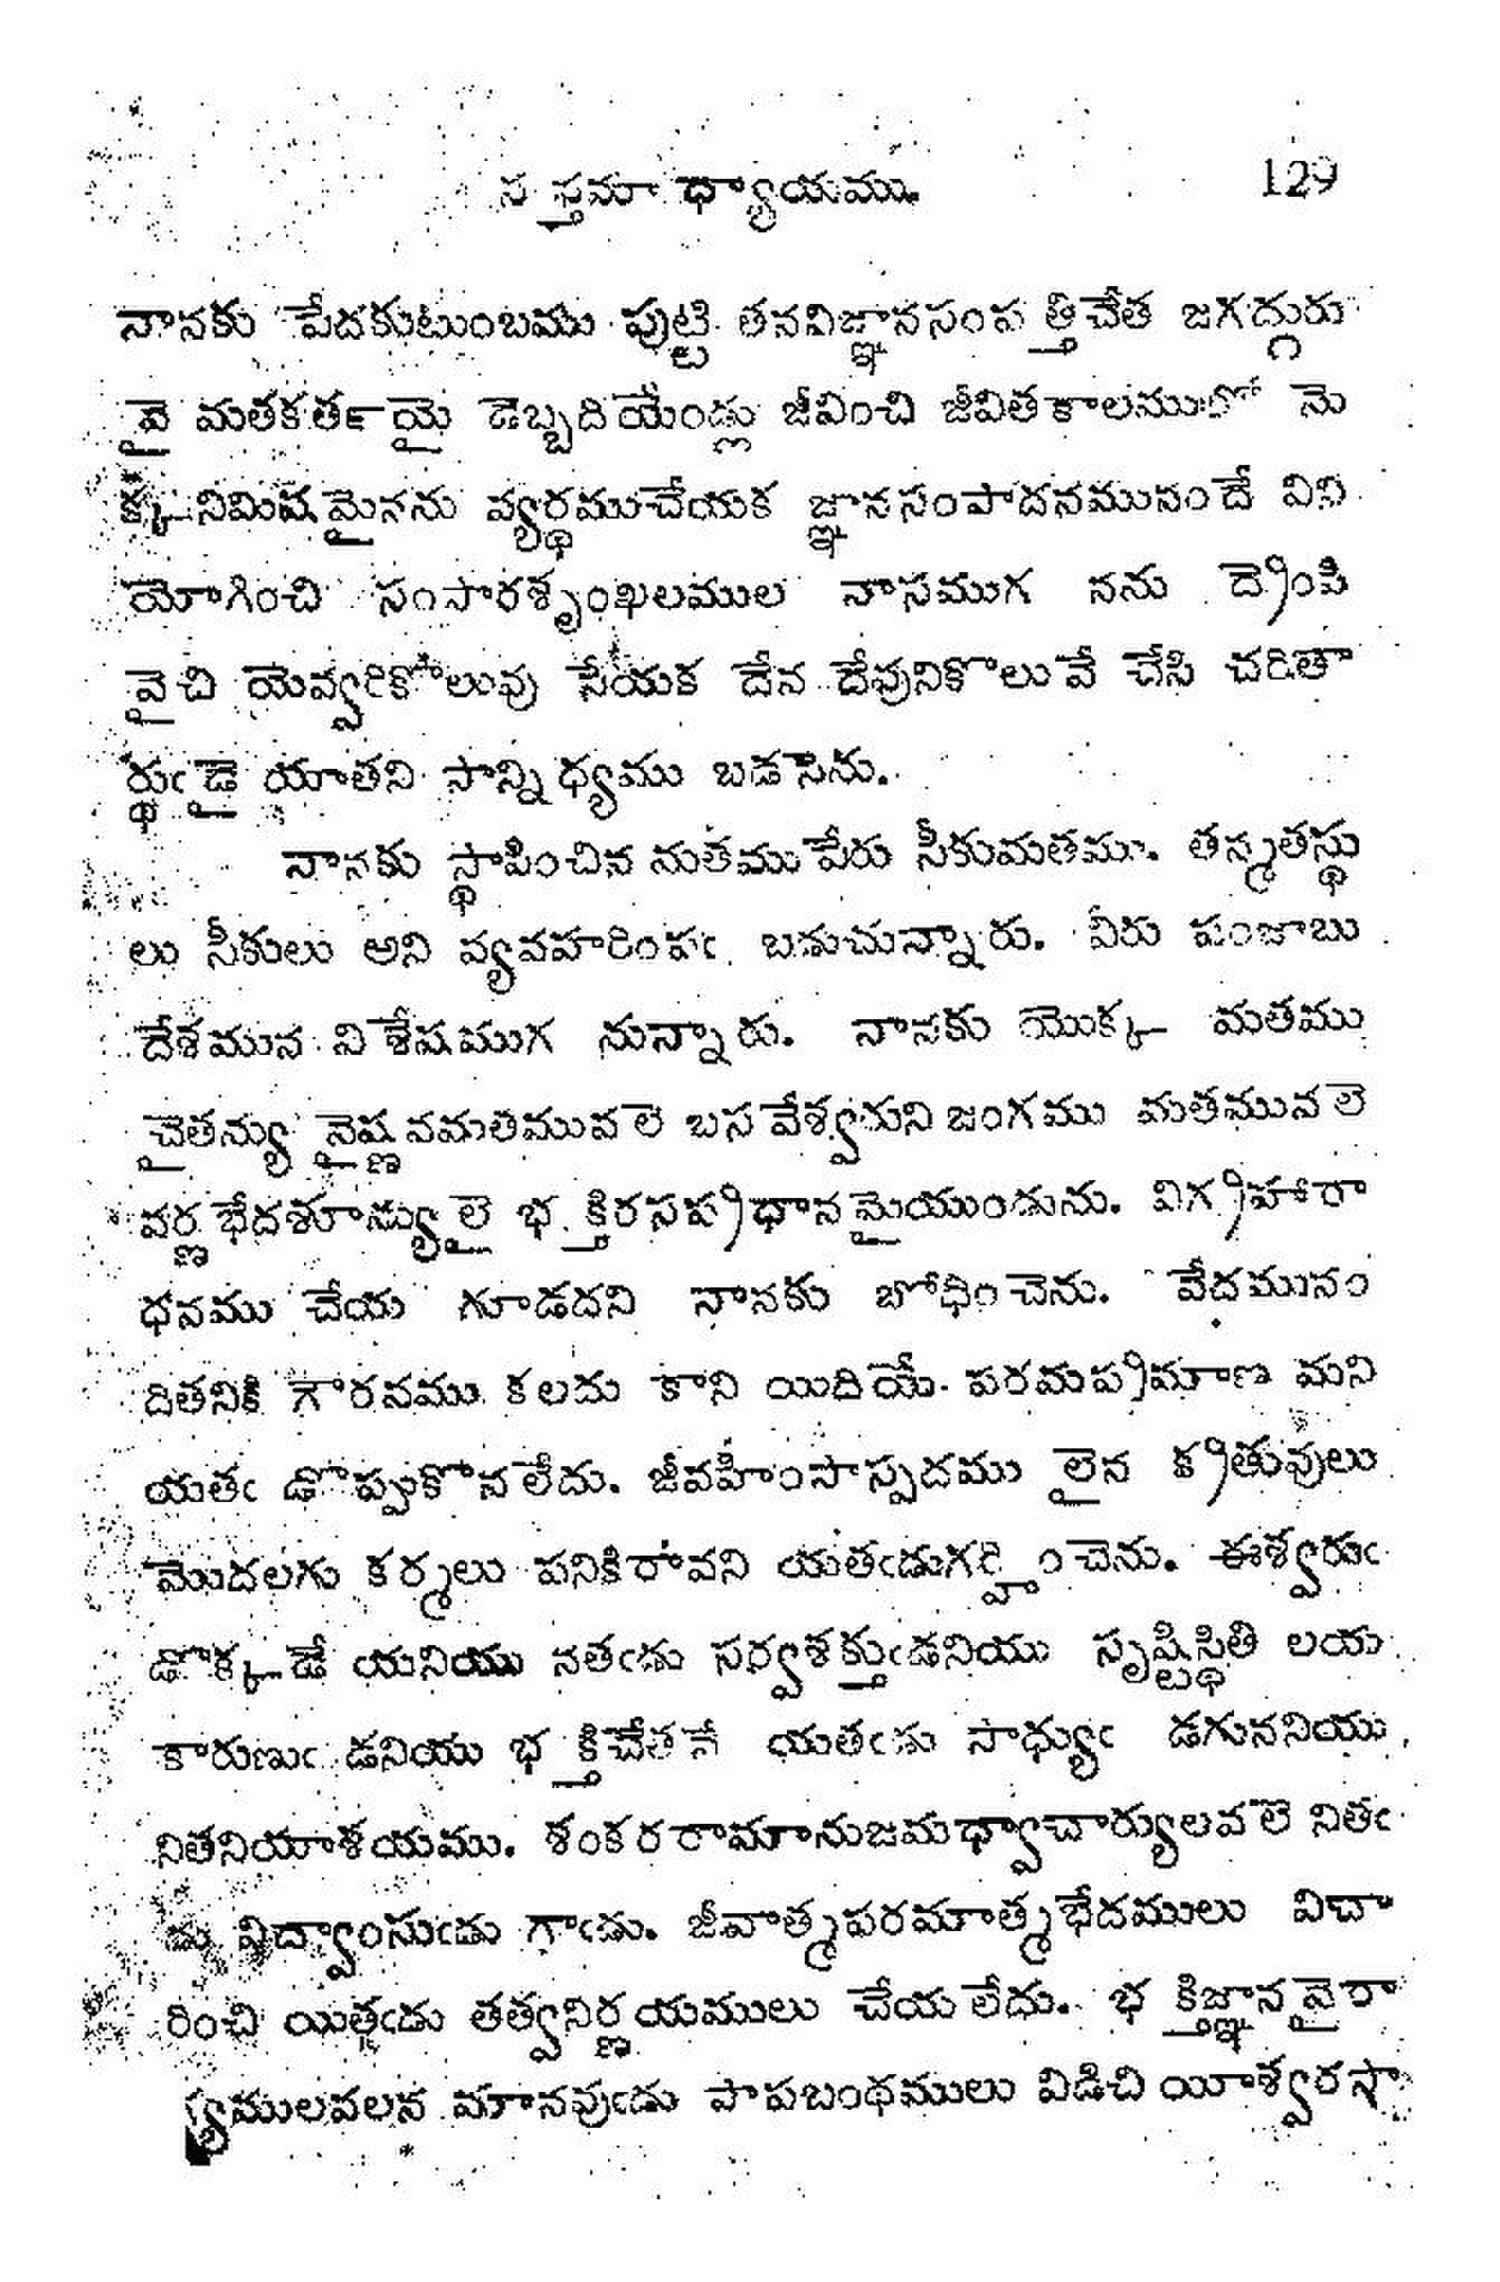నానకు పేదకుటుంబము పుట్టి తనవిజ్ఞానసంపత్తిచేత జగద్గురువై మతకతన్‌యై డెబ్బదియేండ్లు జీవించి జీతకాలములో నొక్కనిమిషమైనను వ్యర్థముచేయక జ్ఞానసంపాదనమునందే వినియోగించి సంసారశృంఖలముల నాసముగ నను ద్రెంపివైచి యెవ్వరికొలువు సేయక దేవ దేవునికొలువే చేసి చరితార్థుడై యాతని సాన్నిధ్యము బడసెను.

నానకు స్థాపించిన మతముపేరు సీకుమతము. తన్మతస్థులు సీకులు అని వ్యవహరింప బడుచున్నారు. వీరు పంజాబు దేశమున విశేషముగ నున్నారు. నానకుయొక్క మతము చైతన్యు వైష్ణవమతమువలె బసవేశ్వరుని జంగము మతమువలె వర్ణభేధశూన్యులై భక్తిరసప్రధానమైయుండును. విగ్రహారాధనము చేయ గూడదని నానకు బోధించెను. వేదమునందితనికి గౌరవము కలదు. కాని యిదియే పరమప్రమాణ మని యత డొప్పుకొనలేదు. జీవహింసాస్పదము లైన క్రతువులు మొదలగు కర్మలు పనికిరావని యతడుగర్హించెను. ఈశ్వరుడొక్కడే యనియు నతడు సర్వశక్తుడనియు సృష్టిస్థితి లయకారుణు డనియు భక్తిచేతనే యతడు సాధ్యు డగుననియు నితనియాశయము. శంకరరామానుజమధ్వాచార్యులవలె నితడు విద్వాంసుడు గాడు. జీవాత్మపరమాత్మభేదములు విచారించి యితడు తత్వనిర్ణయములు చేయలేదు. భక్తిజ్ఞానవైరాగ్యములవలన మానవుడు పాపబంథములు విడిచి యీశ్వరసా